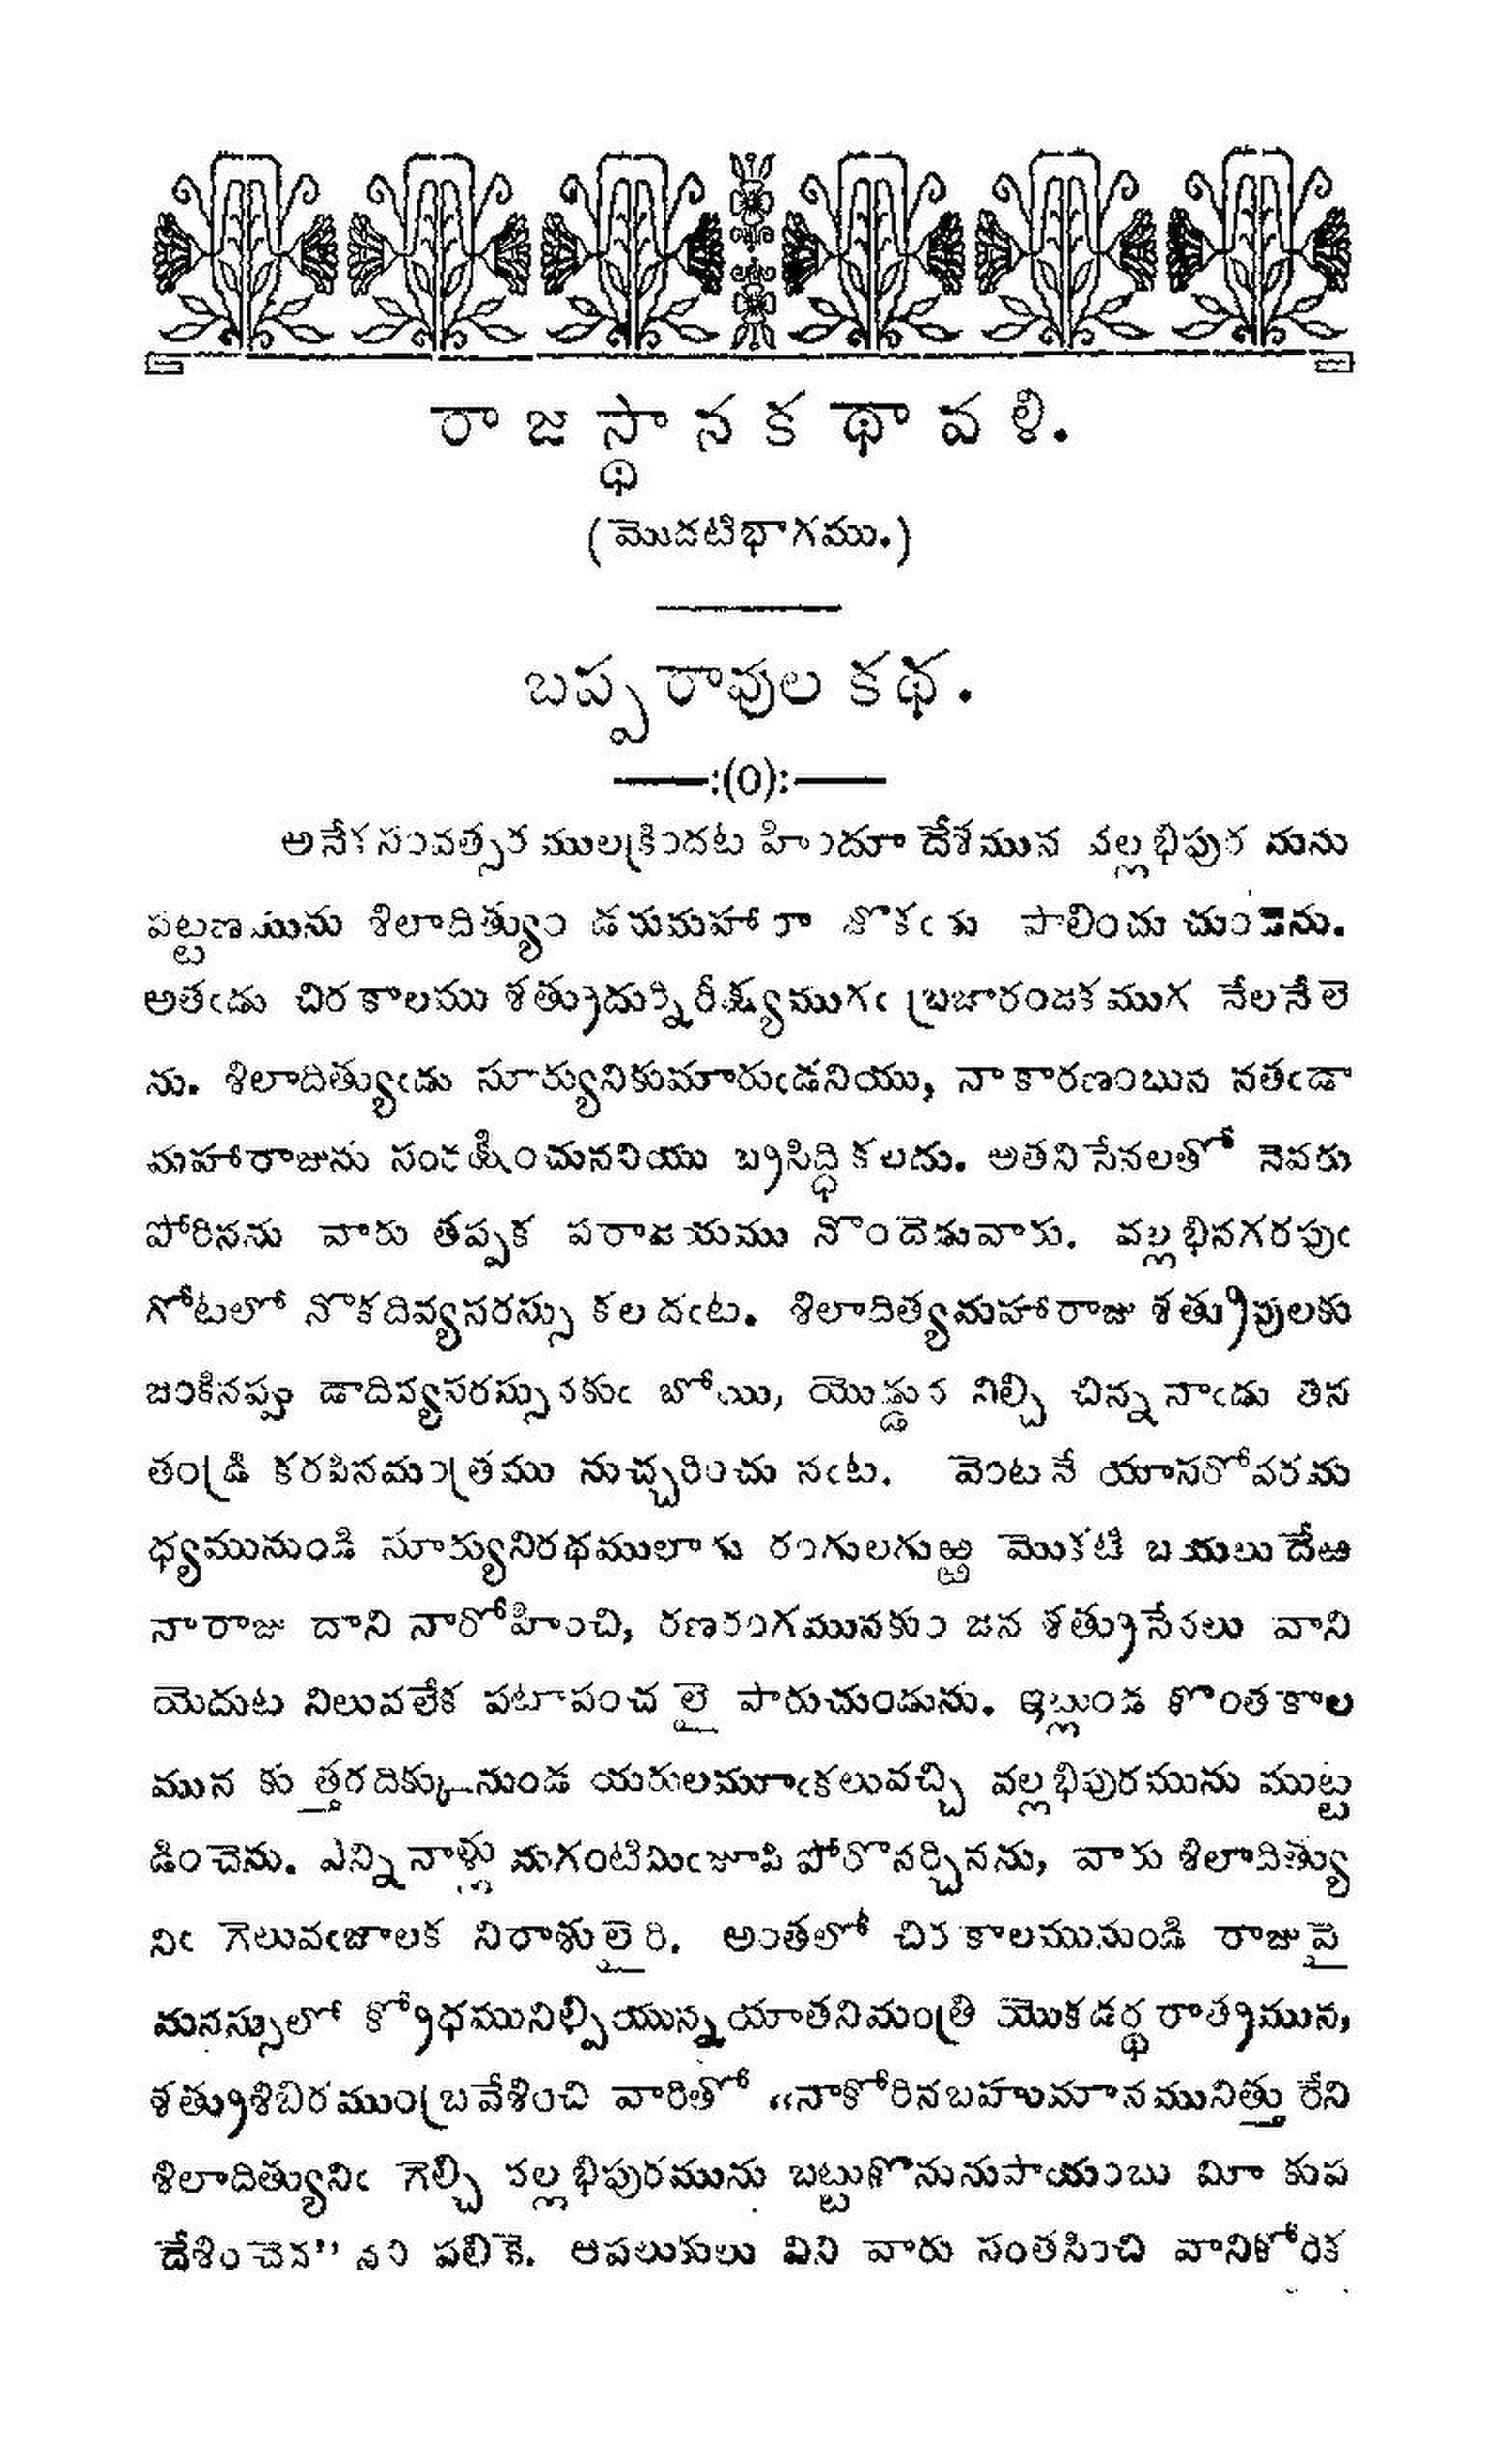రాజస్థాన కథావళి.

బప్పరావుల కథ.

అనేక సంవత్సరములక్రిందట హిందూదేశమున వల్లభిపుర మను పట్టణమును శిలాదిత్యుం డనుమహారా జొకఁడు పాలించుచుండెను. అతఁడు చిరకాలము శత్రుదున్నిరీక్ష్యముగఁ బ్రజారంజకముగ నేలనేలెను. శిలాదిత్యుఁడు సూర్యుని కుమారుఁడనియు, నాకారణంబున నతఁడా మహారాజును సంరక్షించుననియు బ్రసిద్ధికలదు. అతని సేనలతో పోరినను వారు తప్పక పరాజయము నొందెడువారు. వల్లభినగరపుఁ గోటలో నొకదివ్యసరస్సు కలదఁట. శిలాదిత్య మహారాజు శత్రువులకు జంకినప్పు డాదివ్యసరస్సునకుఁ బోయి, యొడ్డున నిల్చి చిన్ననాడు తన తండ్రి కరపినమంత్రము నుచ్చరించు నఁట. వెంటనే యాసరోవరమధ్యమునుండి సూర్యునిరథములాగు రంగులగుఱ్ఱ మొకటి బయలు దేఱ నారాజు దాని నారోహించి, రణరంగమునకు జన శత్రుసేనలు వాని యెదుట నిలువలేక పటాపంచలై పారుచుండును. ఇట్లుండ కొంతకాలమున కుత్తరదిక్కునుండ యరులమూఁకలువచ్చి వల్లభిపురమును ముట్టడించెను. ఎన్నినాళ్లు మగంటిమిఁజూపీ పోరొనర్చినను, వారు శిలాదిత్యునిఁ గెలువఁజాలక నిరాశులైరి. అంతలో చిరకాలమునుండి రాజుపై మనస్సులో క్రోధమునిల్పియున్న యాతని మంత్రి యొకడర్థ రాత్రమున, శత్రుశిబిరముంబ్రవేశించి వారితో "నాకోరిన బహుమానమునిత్తు రేని శిలాదిత్యునిఁ గెల్చి వల్లభిపురమును బట్టుకొనునుపాయంబు మీ కుపదేశించెద" నని పలికె. ఆపలుకులు విని వారు సంతసించి వానికోరిక